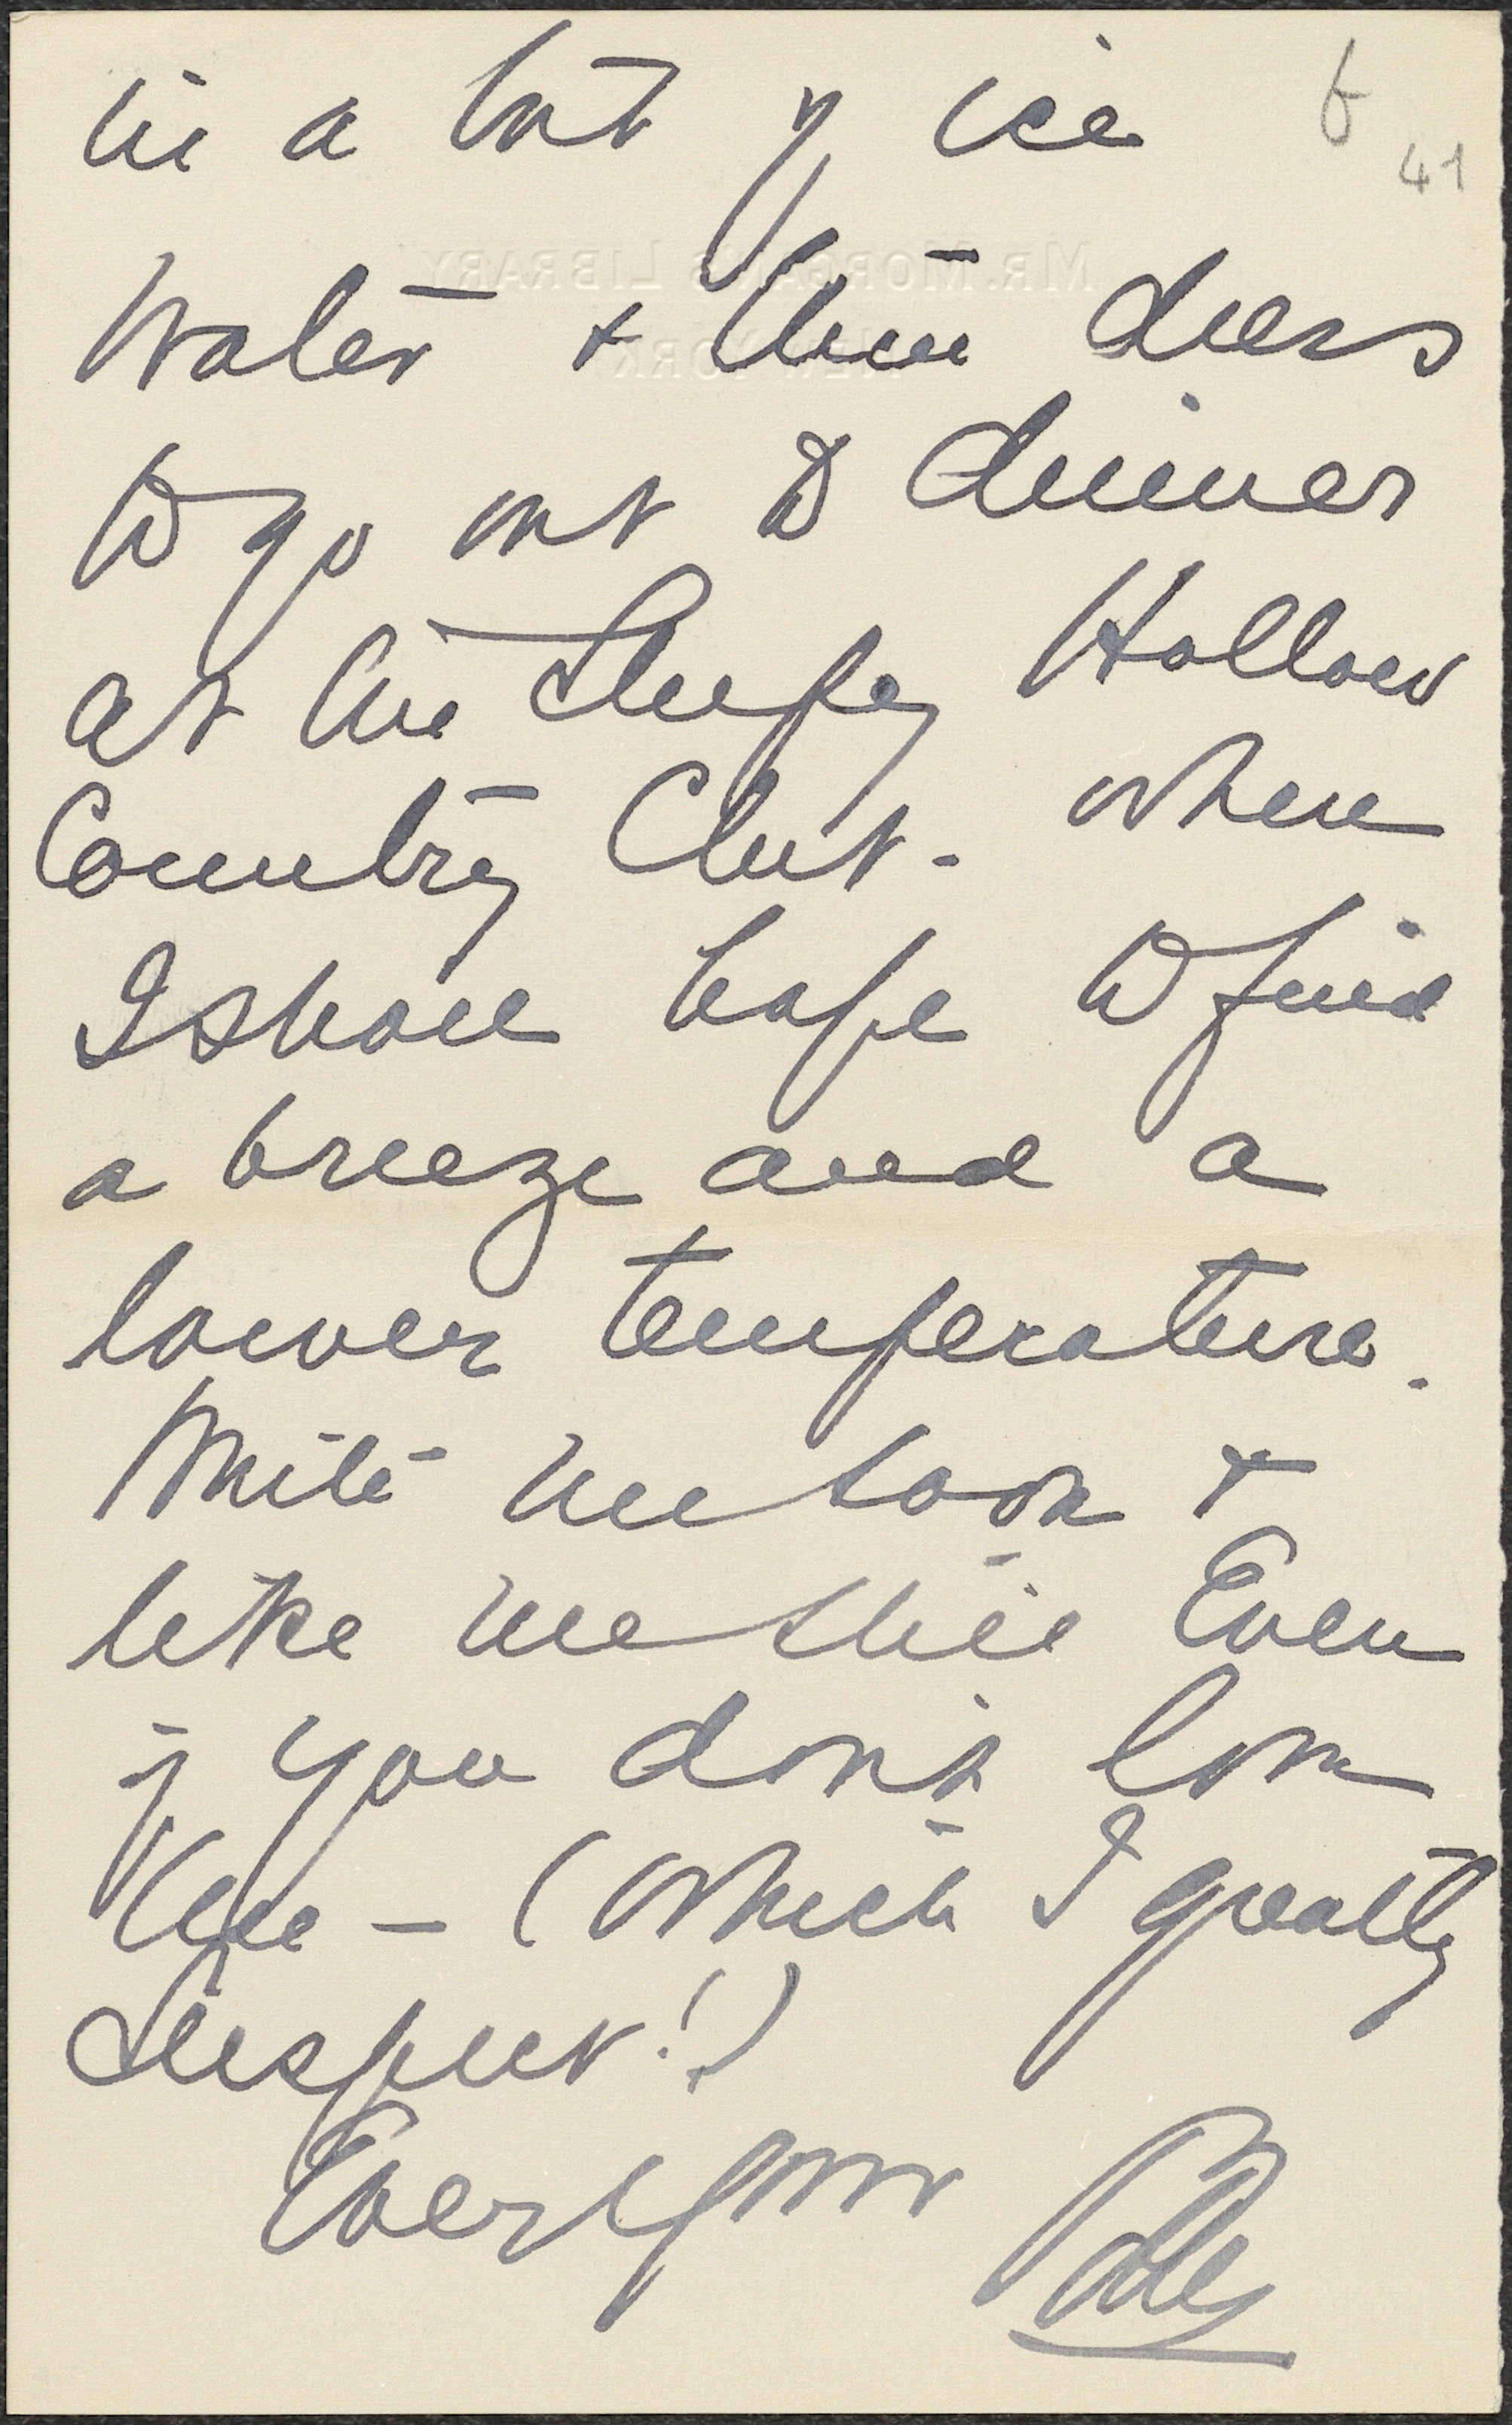in a lot of ice water & then dress to go out to dinner at the Sleepy Hollow Country Club – where I shall hope to find a breeze and a lower temperature. Write me soon & like me still even if you don’t love me – (which I greatly suspect!)
Ever your
Belle